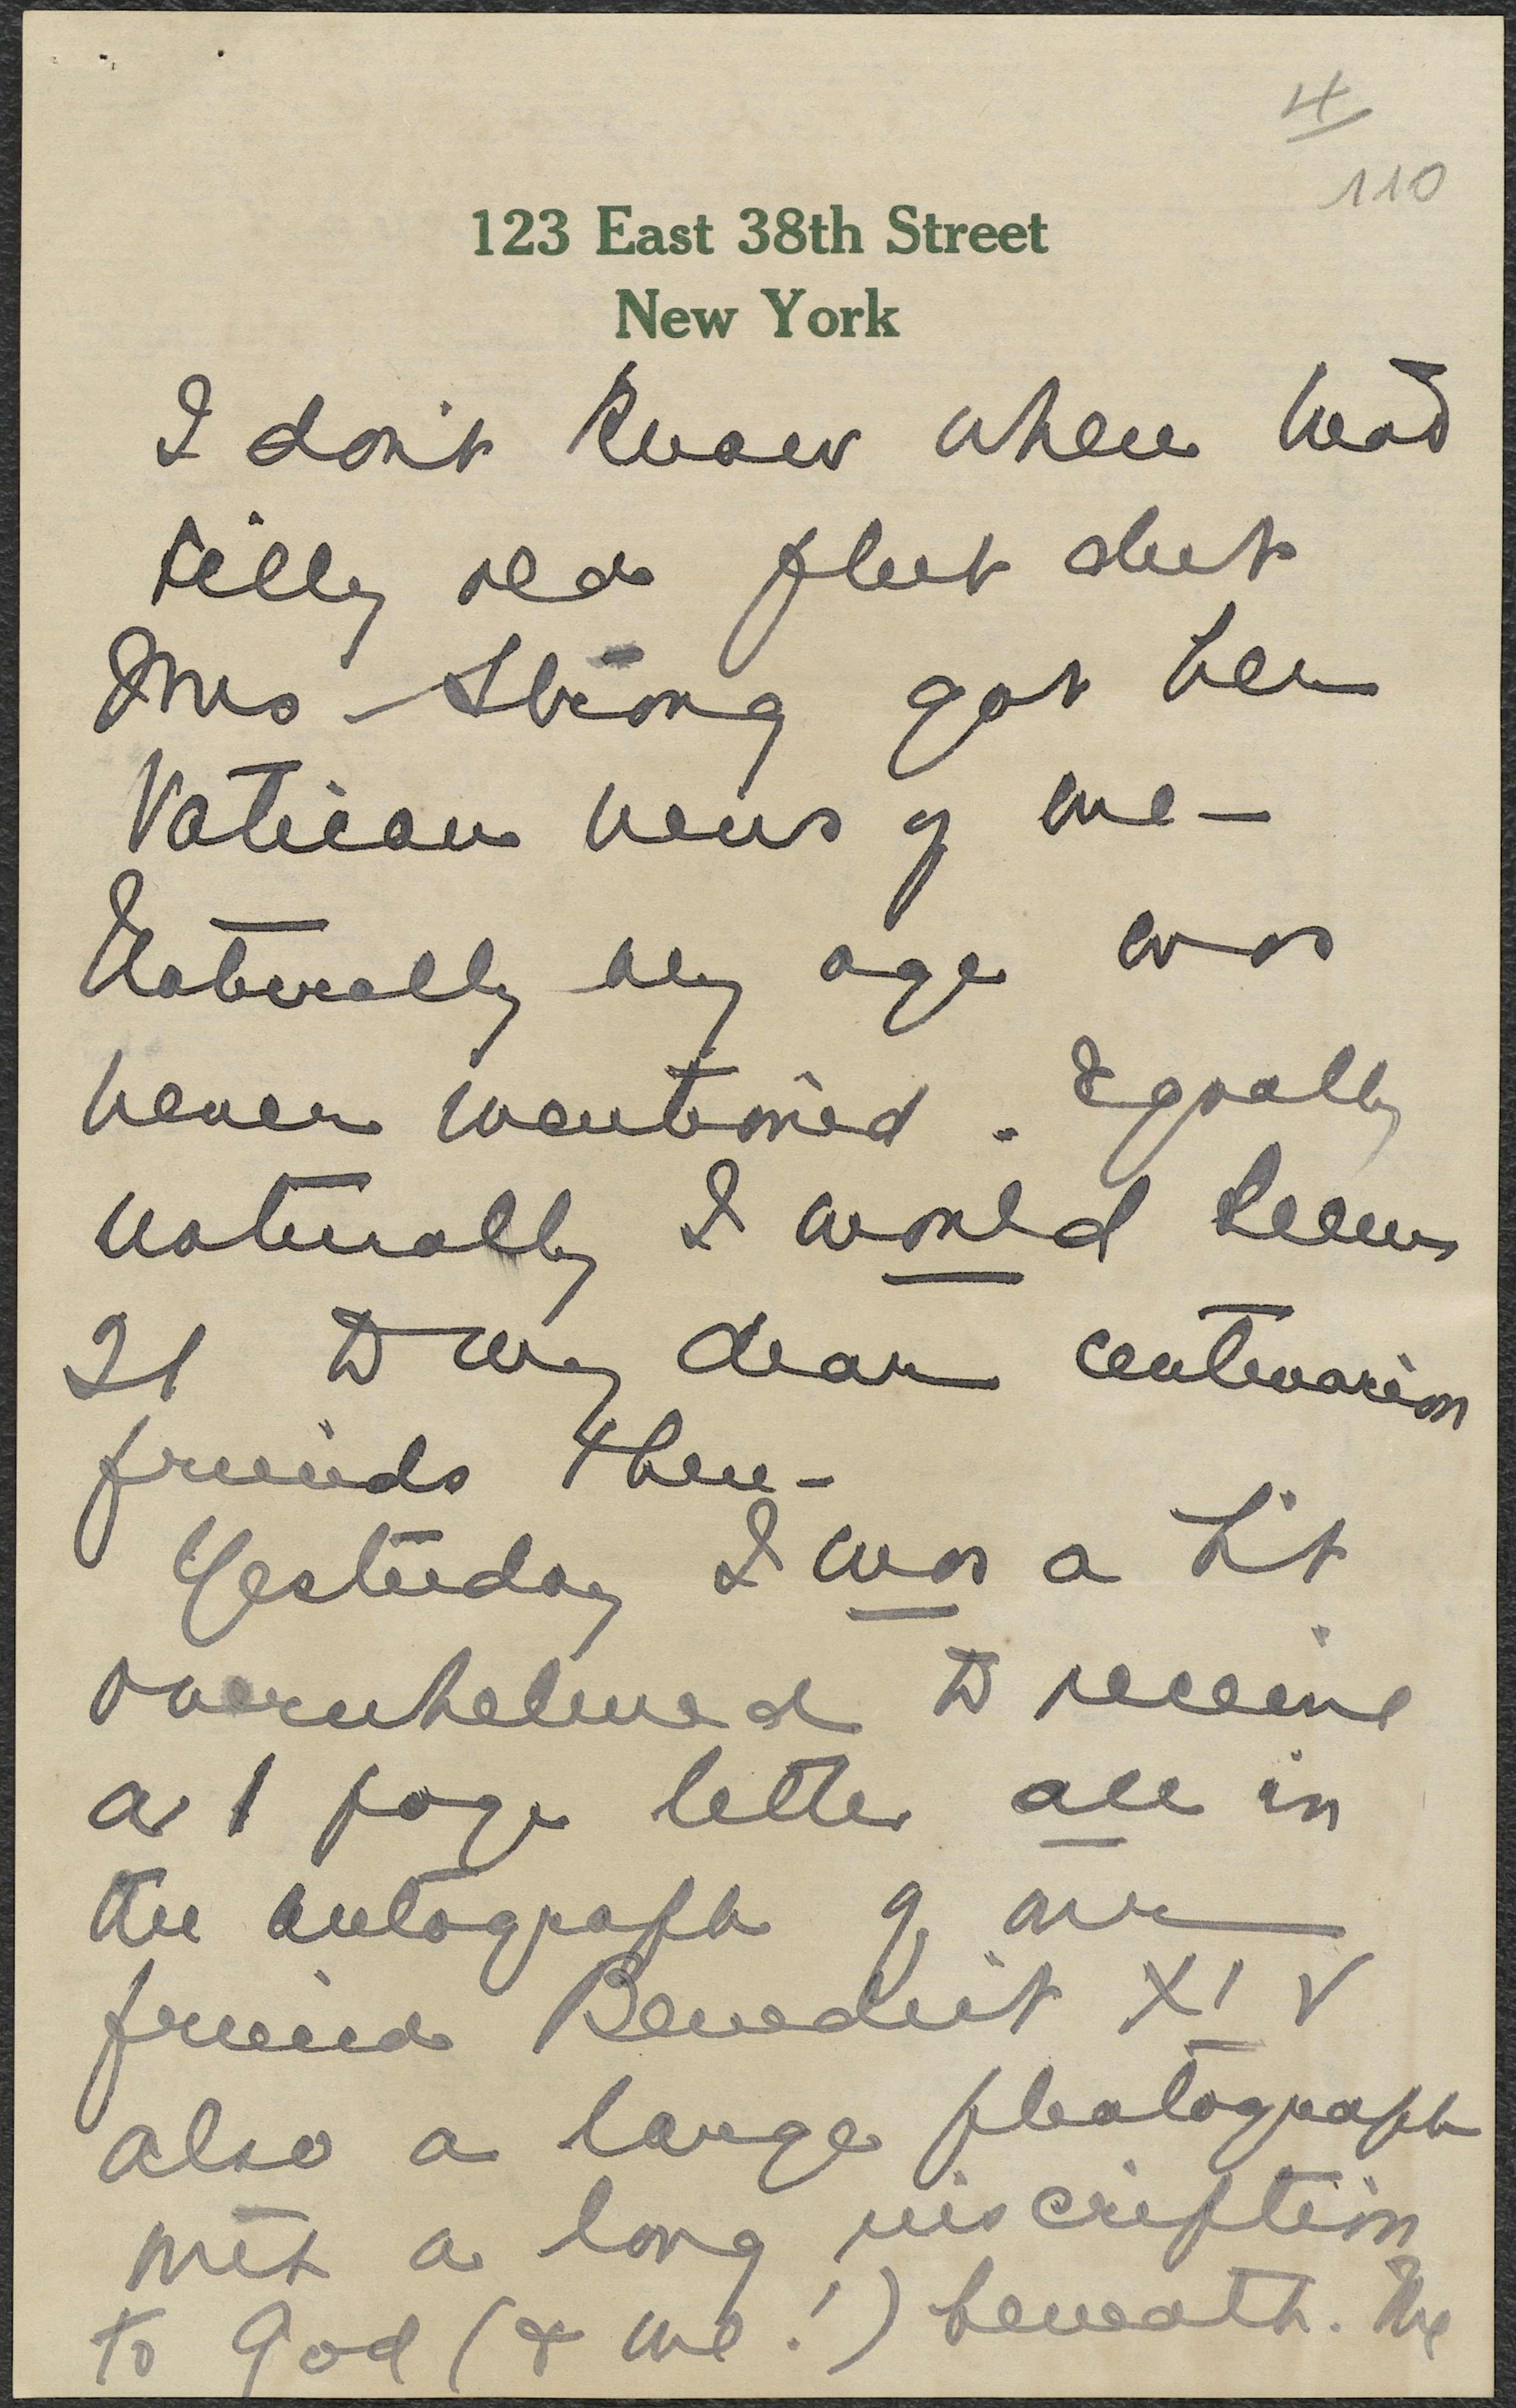I don’t know where that silly old plub dub
Mrs Strong got her Vatican news of me – Naturally my age was never mentioned. Equally naturally I would leave It to my dear centurion friends there –
Yesterday I was a bit overwhelmed to receive a 1 page letter all in the autograph of our friend Benedict XIV also a large photograph with a long inscription to God (& me!) beneath. The